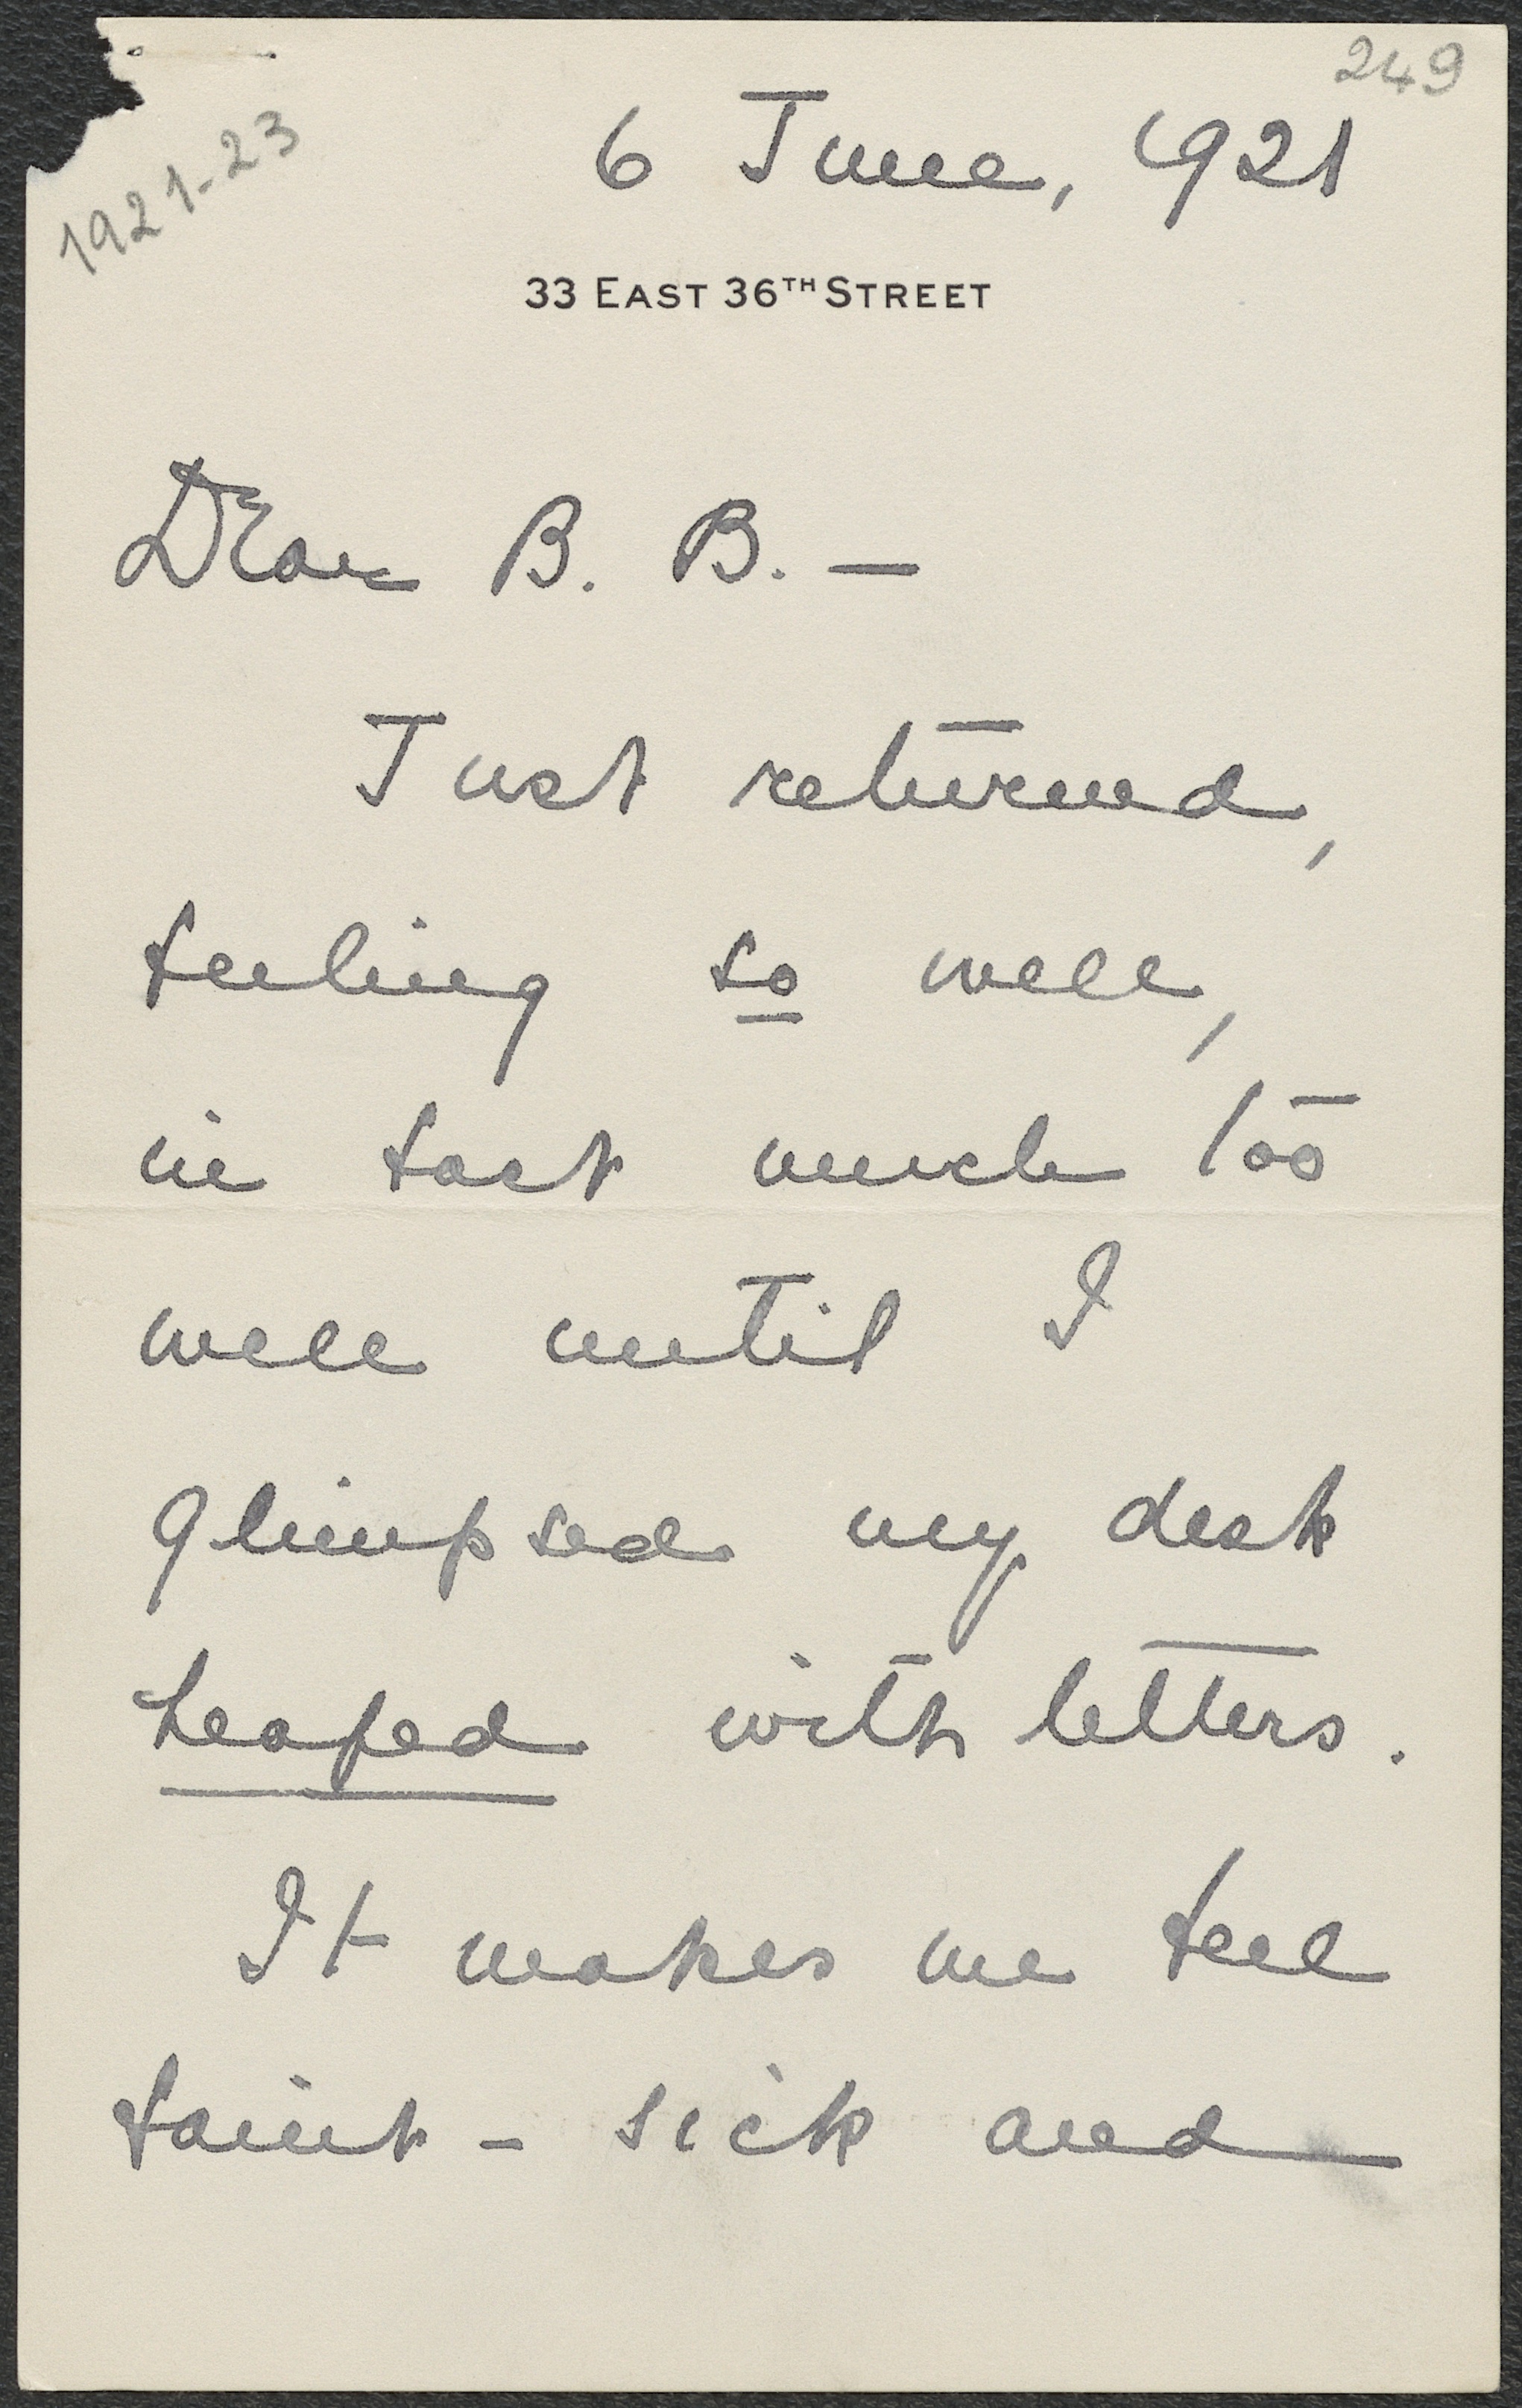6 June 1921
Dear B.B. –
Just returned, feeling so well, in fact much too well until I glimpsed my desk heaped with letters.
It makes me feel faint – sick and